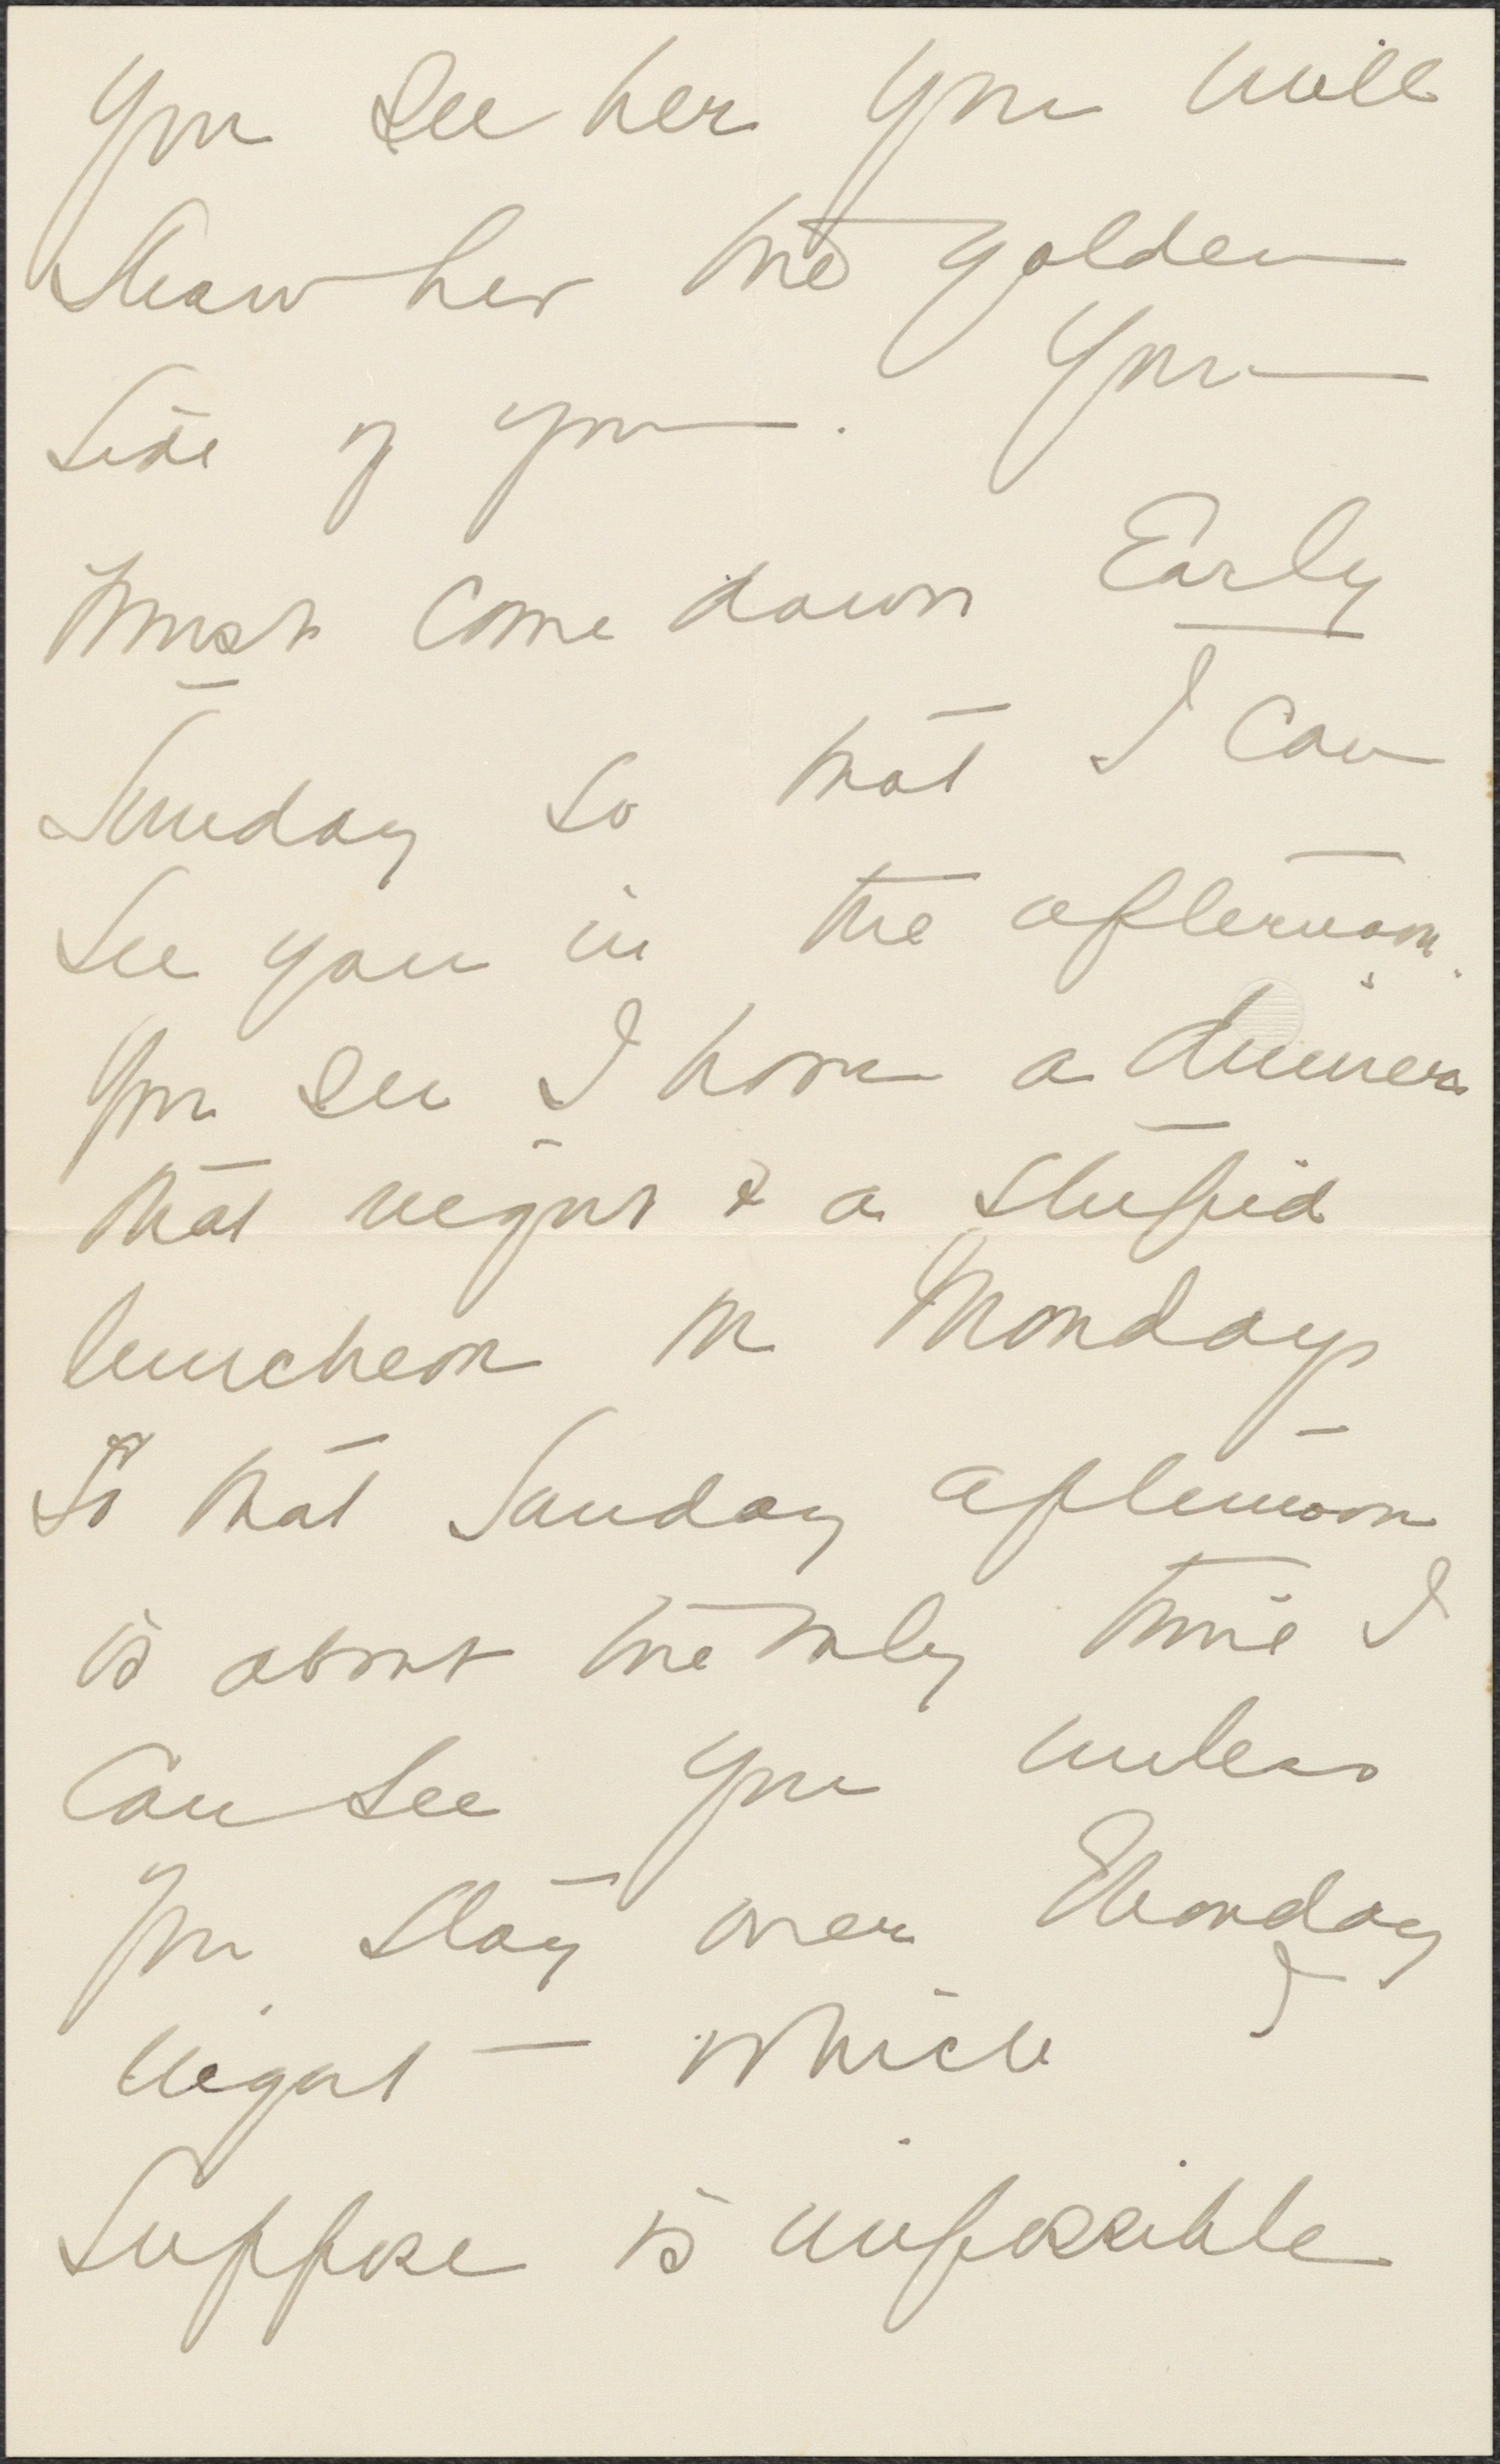you see her you will show her the golden side of you. You must come down Early Sunday so that I can see you in the afternoon. You see I have a dinner that night & a stupid luncheon on Monday so that Sunday afternoon is about the only time I can see you unless you stay over Monday night which I suppose is impossible